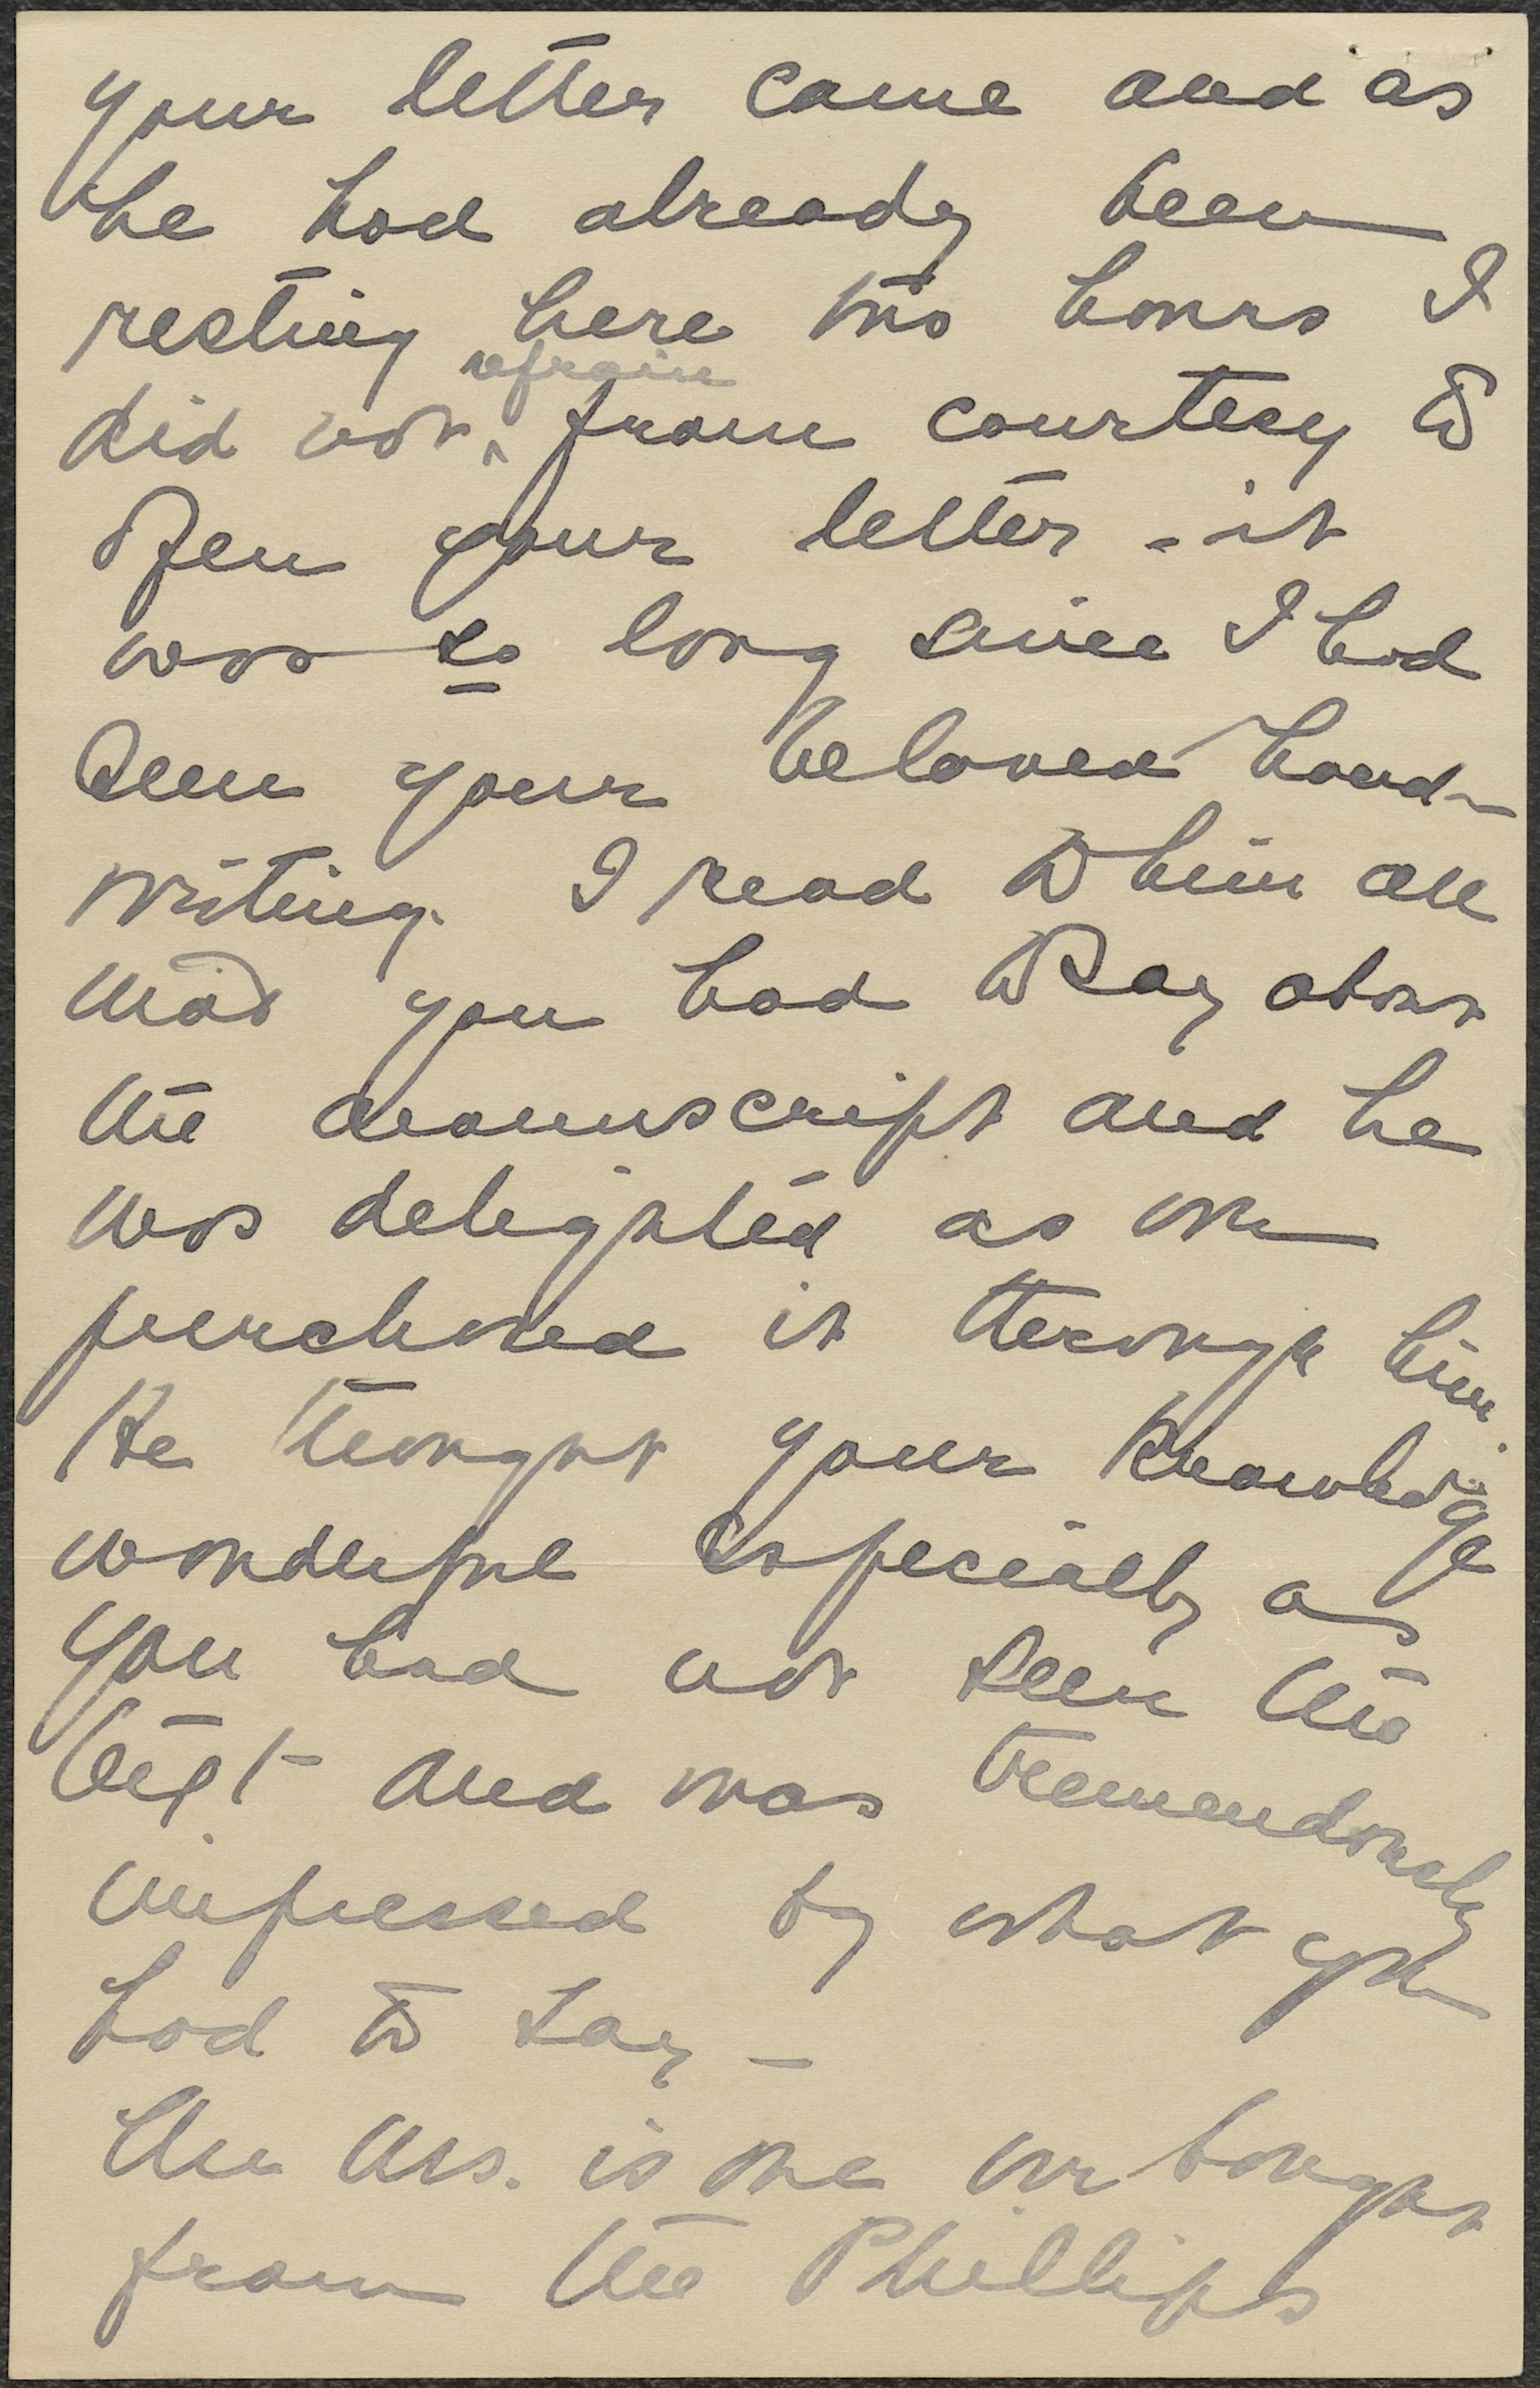your [sic] letter came and as he had already been resting here two hours I did not [^refrain^] from courtesy to open your letter – it was so long since I had seen your beloved handwriting. I read to him all that you had to say about the manuscript and he was delighted as we purchased it through him. He thought your knowledge wonderful especially as you had not seen the text and was tremendously impressed by what you had to say –
The ms. is one we bought from the Phillips